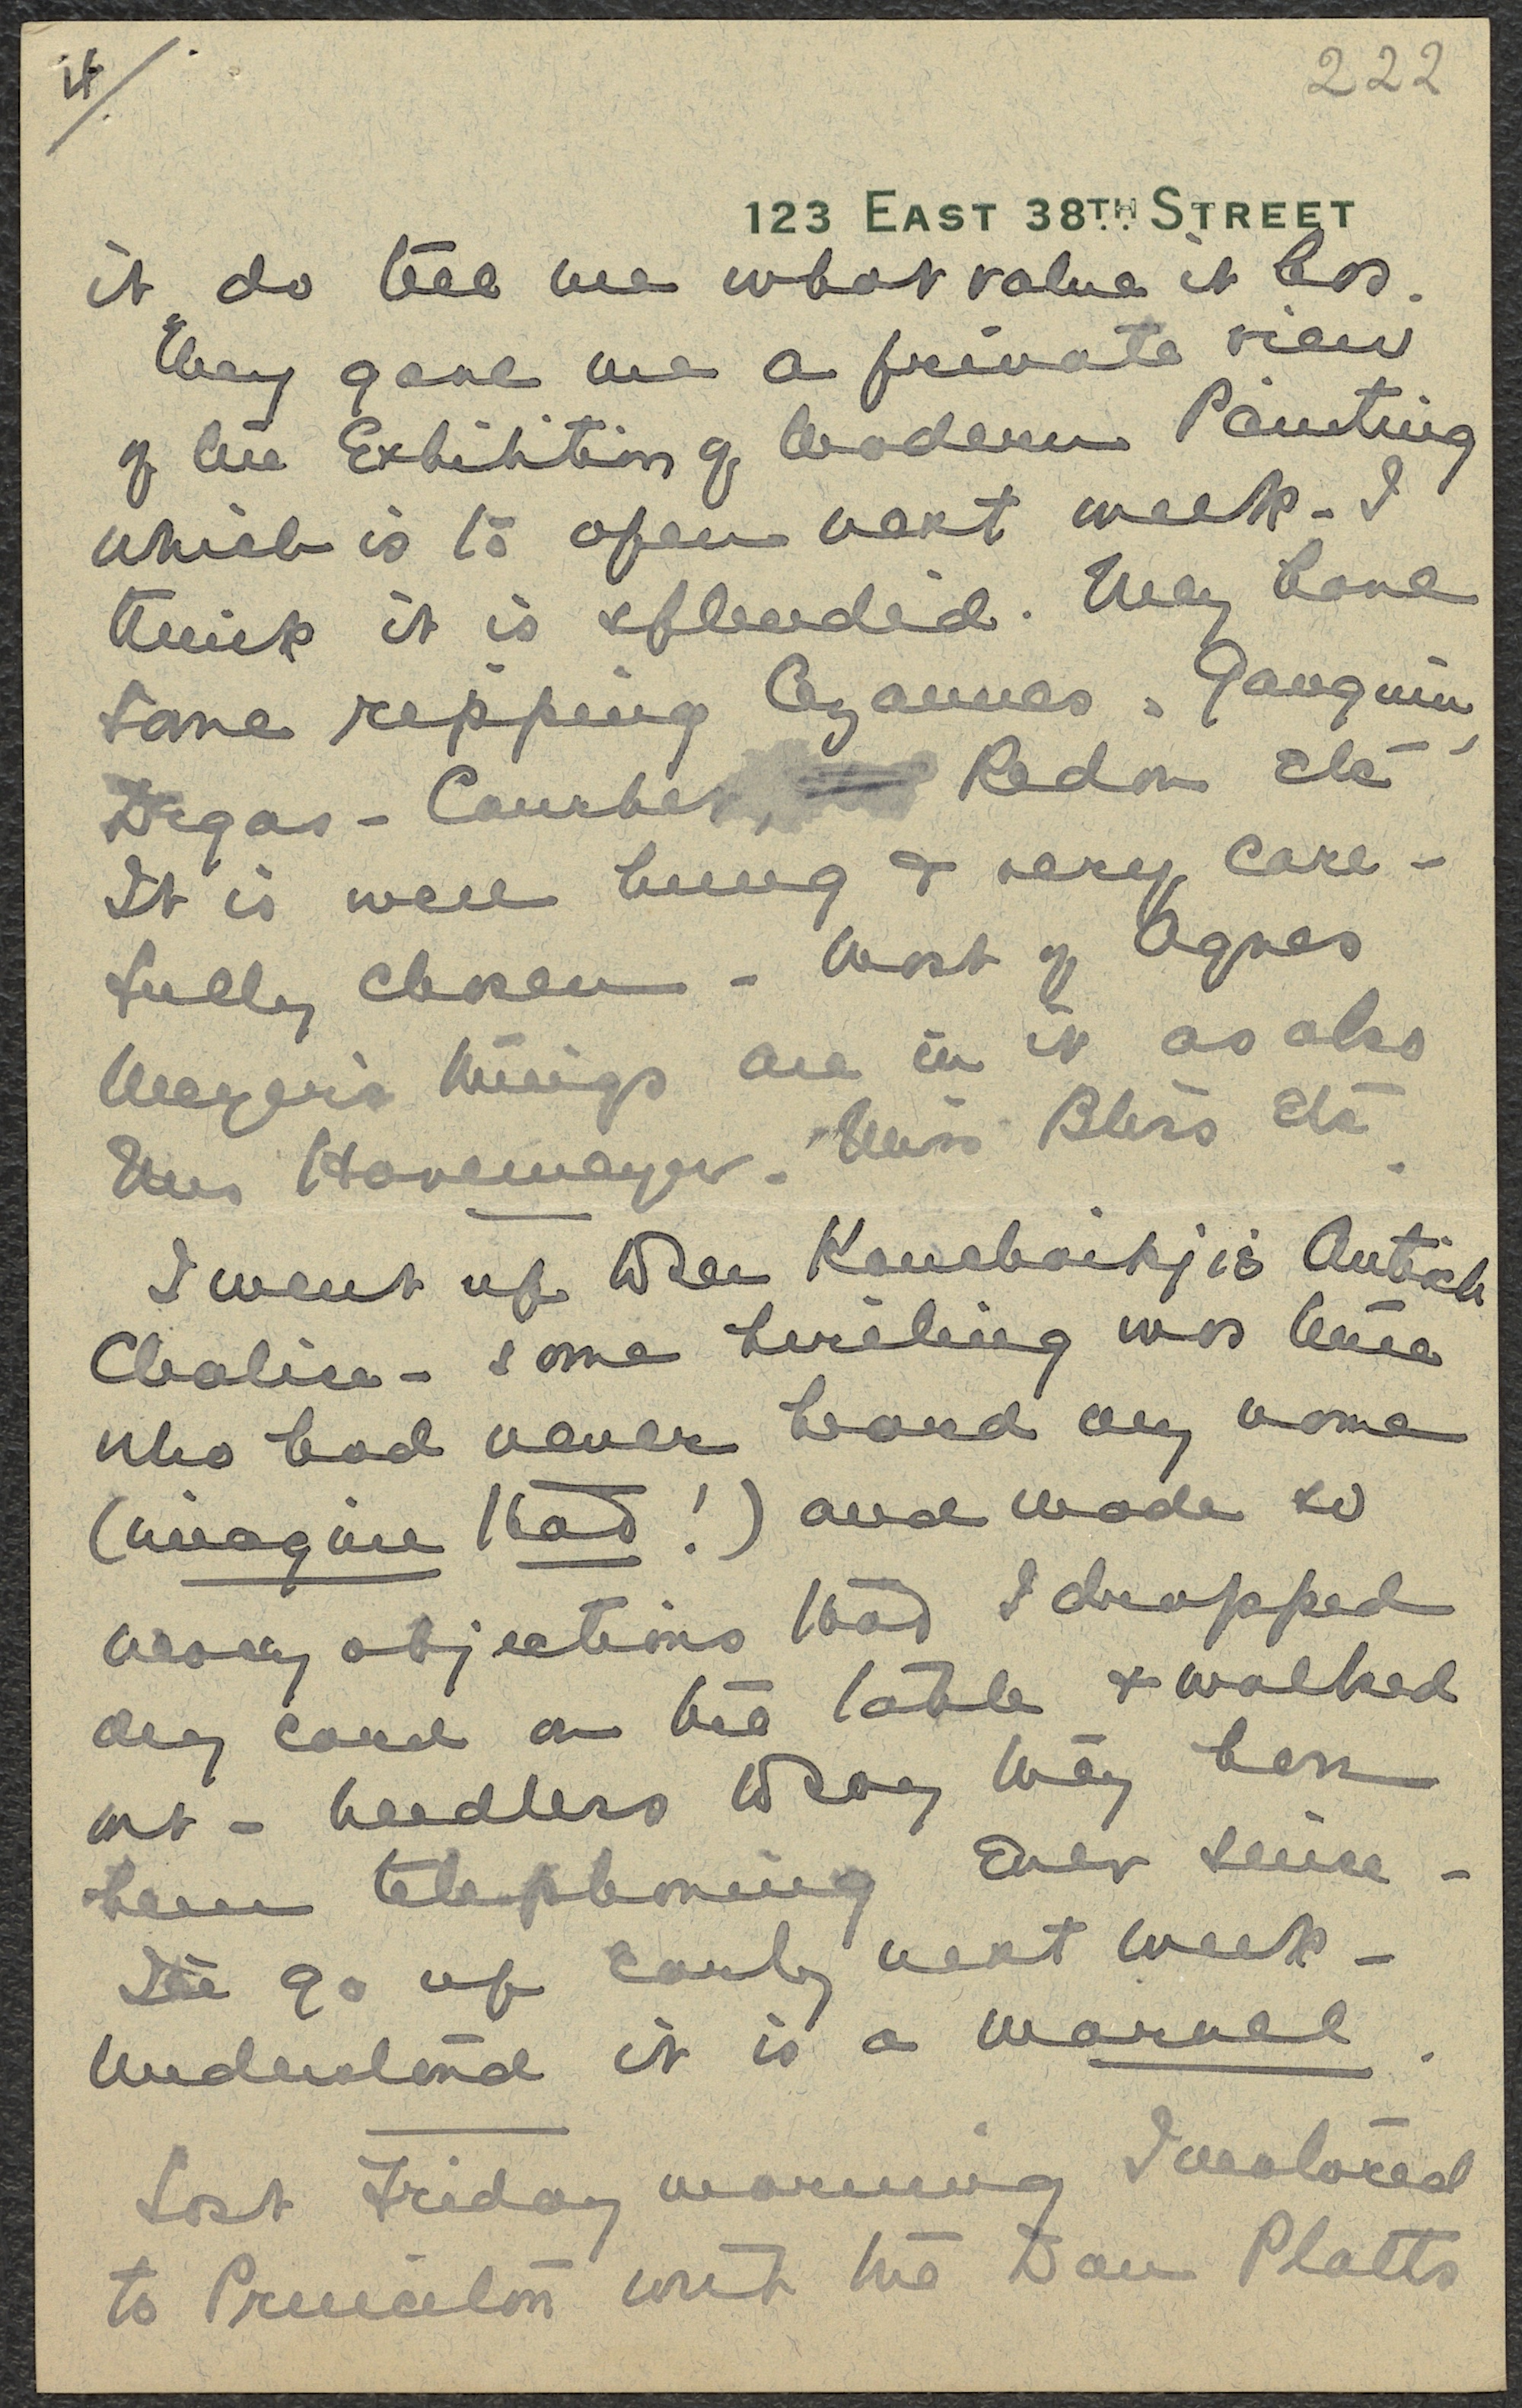it do tell me what value it has.
They gave me a private view of the exhibition of Modern Painting which is to open next week – I think it is splendid. They have some ripping Cezannes, Gauguin, Degas – Courbet, etc Redon etc It is well hung & very carefully chosen – Most of Agnes Meyer’s things are in it as also Mrs Havemeyer – Miss Bliss etc.
I went up to see Kouchaikjis [sic] Antioch Chalice – some hireling was there who had never heard my name (imagine that!) and made so many objections that I dropped my card on the table & walked out – needless to say they have been telephoning ever since – I’ll go up early next week – understand it is a marvel.
Last Friday morning I motored to Princeton with the Dan Platts